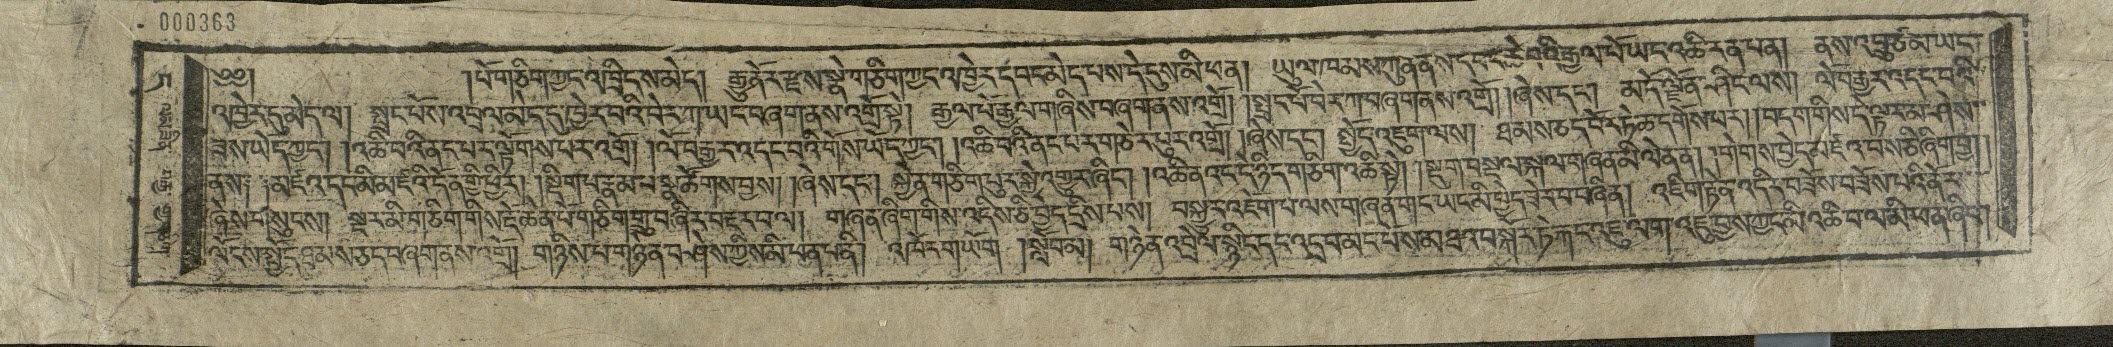༄༅། །པོ་གཅིག་ཀྱང་འཁྲིད་ས་མེད། རྒྱུ་ནོར་རྫས་སྣེ་གཅིག་ཀྱང་འཁྱེར་དབང་མེད་པས་དེ་དུས་མི་ཕན། ཡུལ་ཁམས་ཀུན་ནས་དབང་ཆེ་བའི་རྒྱལ་པོ་ཡང་འཆི་རན་པ་ན། ནས་འབྲུ་ཙམ་ཡང་
འཁྱེར་དུ་མེད་ལ། སྤྲང་པོས་འབྲལ་མེད་དུ་ཁྱེར་བའི་བེར་ཀ་ཡང་བཞག་ནས་འགྲོ་སྟེ། རྒྱལ་པོ་རྒྱལ་གཞིས་བཞག་ནས་འགྲོ། །སྤྲང་པོ་བེར་ཀ་བཞག་ནས་འགྲོ། །ཞེས་དང་། མདོ་ལྗོན་ཤིང་ལས། ལོ་བརྒྱར་འདང་བའི་
ཟས་ཡོད་ཀྱང་། །འཆི་བའི་ནང་པར་ལྟོགས་པར་འགྲོ། །ལོ་བརྒྱར་འདང་བའི་གོས་ཡོད་ཀྱང་། །འཆི་བའི་ནང་པར་གཅེར་པུར་འགྲོ། །ཞེས་དང་། སྤྱོད་འཇུག་ལས། ཐམས་ཅད་བོར་ཏེ་ཆ་དགོས་པར། །བདག་གིས་དེ་ལྟར་མ་ཤེས་
ནས༑ ༑མཛའ་དང་མི་མཛའི་དོན་གྱི་ཕྱིར། །སྡིག་པ་རྣམ་པ་སྣ་ཚོགས་བྱས། །ཞེས་དང་། སྐྱེ་ན་གཅིག་པུར་སྐྱེ་འགྱུར་ཞིང་། །འཆི་ནའང་དེ་ཉིད་གཅིག་འཆི་སྟེ། །སྡུག་བསྔལ་སྐལ་གཞན་མི་ལེན་ན། །གེགས་བྱེད་མཛའ་བས་ཅི་ཞིག་བྱ། །
ཞེས་གསུངས། སྔར་མི་གཅིག་གིས་རྡོ་ཆེན་པོ་གཅིག་གྲུ་བཞིར་བརྡར་བ་ལ། གཞན་ཞིག་གིས་འདིས་ཅི་བྱེད་དྲིས་པས། བསྐྱུར་འཇོག་པ་ལས་གཞན་གང་ཡང་མི་བྱེད་ཟེར་བ་བཞིན། འཇིག་རྟེན་འདིར་བཟོས་བཟོས་པའི་ནོར་
ལོངས་སྤྱོད་ཐམས་ཅད་བཞག་ནས་འགྲོ། གཉིས་པ་གཉེན་བཤེས་ཀྱིས་མི་ཕན་པ་ནི། འཁོར་གཡོག །སློབ་མ། གཉེན་འབྲེལ་སྙིང་དང་འདྲ་བ་མང་པོས་མཐའ་བསྐོར་ཏེ་རྐང་འཇུ་ལག་འཇུ་བྱས་ཀྱང་མི་འཆི་བ་ལ་མི་ཕན་ཞིང་།